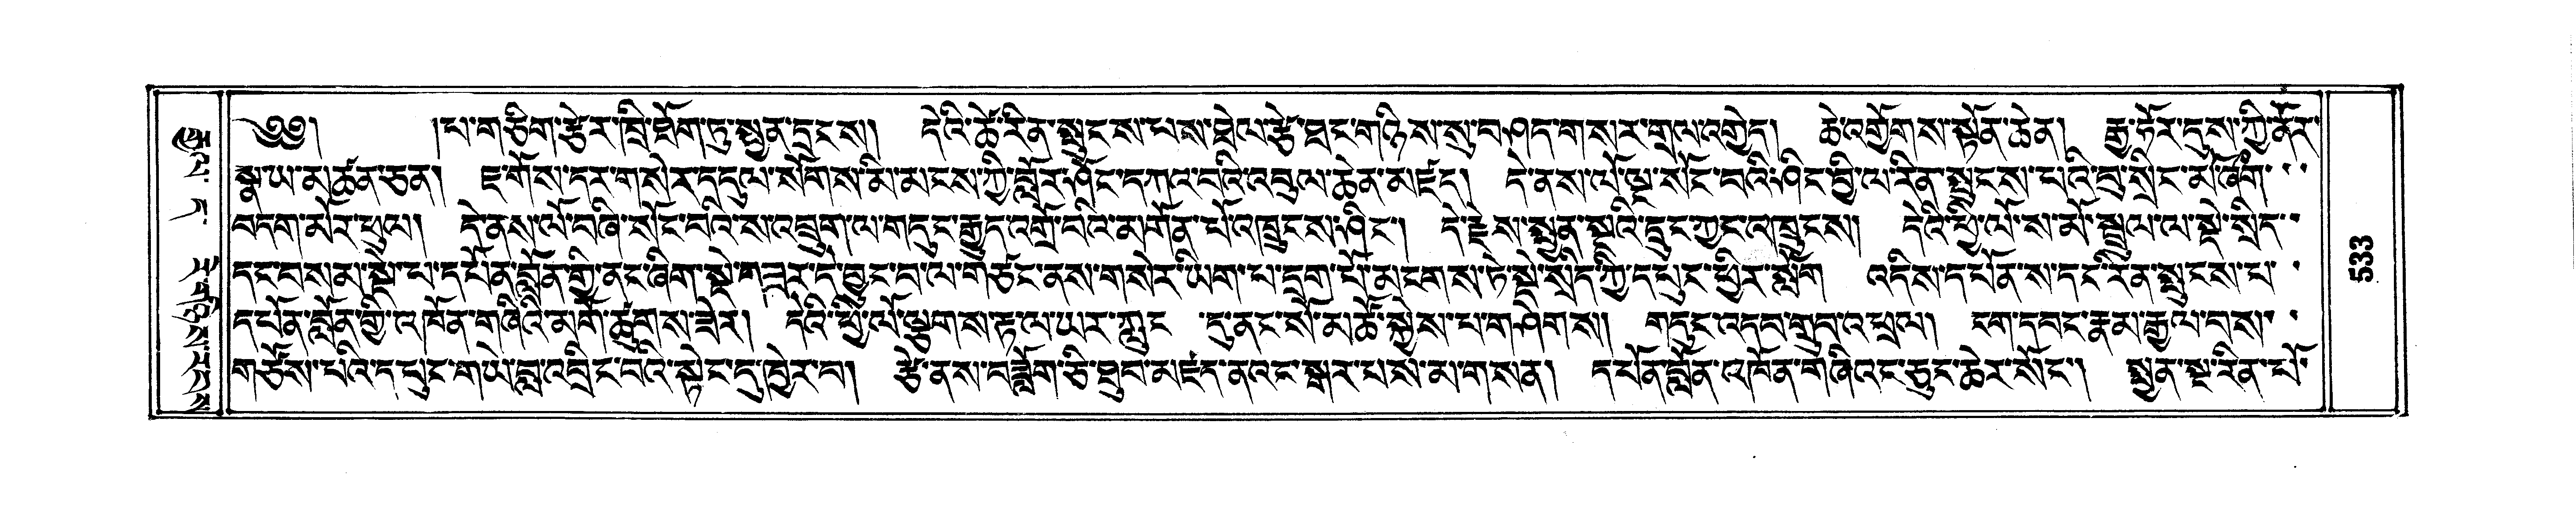༄༅། །པ་གཅིག་རྩེར་ཁྲི་ཐོག་ཏུ་སྤྱན་དྲངས། དེའི་ཚེ་རིན་སྤུངས་པས་ཐེལ་རྩེ་ཐང་གཉིས་སུ་བཤད་གསར་གྲལ་འགྱེད། ཆེ་འགྱོགས་སྟོན་ཆེན། རྒྱ་ཧོར་དུས་ཀྱི་ནོར་
སྣ་ཡ་མཚན་ཅན། ཇ་གོས་དར་གསེར་དངུལ་སོགས་མི་མངས་ཀྱི་བློར་ཤོང་དཀའ་བའི་འབུལ་ཆེན་མཛད། དེ་ནས་ལོ་ལྔ་སོང་བའི་ཤིང་བྱི་ལ་རིན་སྤུངས་པའི་བུ་སྲིང་མོ་ཞྀག་
བདག་མོར་ཕུལ། དེ་ནས་ལོ་བཞི་སོང་བའི་འབྲུག་ལ་གདུང་རྒྱུད་འགྲོ་བའི་མགོན་པོ་འཁྲུངས་ཤིང་། དེ་རྗེས་སྤྱན་སྔའི་དྲུང་ཀྱང་འཁྲུངས། དེའི་ཕྱི་ལོ་ས་མོ་སྦྲུལ་ལ་སྡེ་སྲིད་
དང་བསམ་སྡེ་པ་དཔོན་བློན་གྱི་ནང་ཞིག་སྡེ་གཟར་དེ་བྱུང་བ་ལ་གཙང་ནས་གསེར་ཡིག་པ་དྲག་པོ་མངགས་ཏེ་སྡེ་སྲིད་ཀྱི་དཔུང་ཕྱིར་སློག་འདིས་དཔོན་ས་དང་རིན་སྤུངས་པ་
དཔོན་བློན་གྱི་འཁོན་གཞིའི་མགོ་ཚུགས་ཟེར། དེའི་ཕྱི་ལོ་ལྕགས་རྟ་ལ་ཡར་ཀླུང་དུ་ནང་སོ་མཚོ་སྐྱེས་པ་གཤེགས། གདུང་འདབ་གྲུབ་འཕྲལ། ངག་དབང་རྣམ་རྒྱལ་བས་
གཙོས་པའི་དཔུང་གཡེ་བླ་འབྲིང་བའི་སྟེང་དུ་ཁྱེར་བ། རྩེ་ནས་བཟློག་ཅི་ཐུབ་མཛད་ནའང་སྒར་པས་མ་གསན། དཔོན་བློན་འཁོན་གཞིའང་ཅུང་ཆེར་སོང་། སྤྱན་སྔ་རིན་པོ་